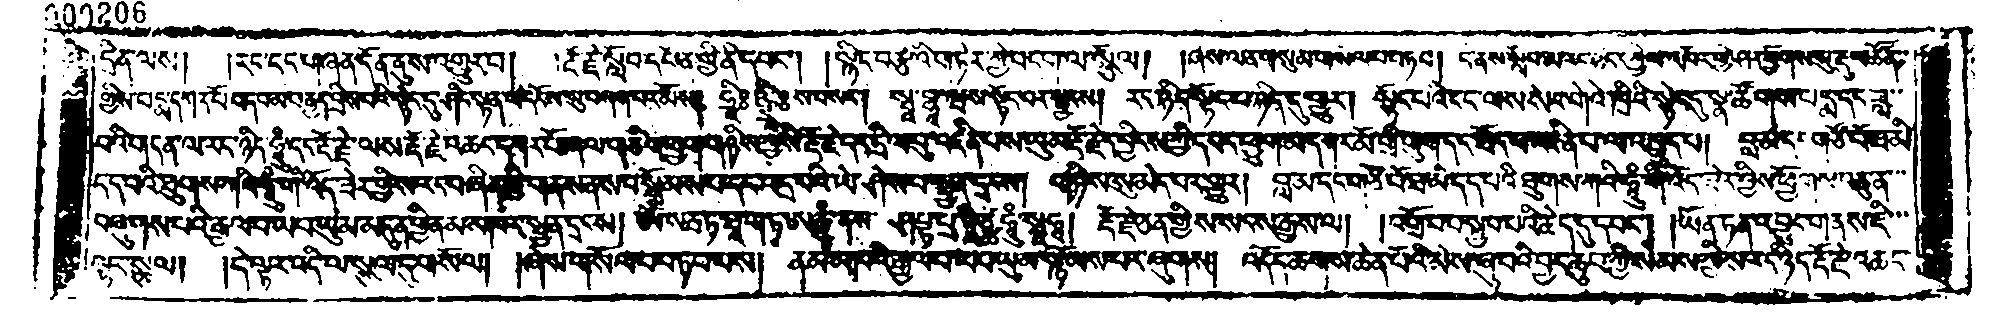དྲིན་ལས། །རང་དང་གཞན་དོན་ནུས་འགྱུར་བ། །རྡོ་རྗེ་སློབ་དཔོན་གྱི་ནི་དབང་། །སྙིང་བརྩེའི་གཏེར་ཀྱེ་བདག་ལ་སྩོལ། །ཞེས་ལན་གསུམ་གསོལ་བ་བཏབ། དེ་ནས་སློབ་མ་རང་ཉིད་དཀྱིལ་འཁོར་གྱི་ཤར་ཕྱོགས་སུ་རྡུལ་ཚོན་
གྱིས་པདམ་དཀར་པོ་འདབ་མ་བརྒྱད་བྲིས་པའི་སྟེང་དུ་ཤིང་སྟན་ལ་དངོས་སུ་བཞག་པར་མོས། ཧྲཱིཿ ཥྚྲཱིཿ ས་བསང་། སྭཱ་བྷཱ་ཝས་སྟོང་པར་སྦྱངས། རང་ཉིད་སྟོང་པ་ཉིད་དུ་གྱུར། སྟོང་པའི་ངང་ལས་སེང་གེའི་ཁྲིའི་སྟེང་དུ་སྣ་ཚོགས་པདམ་དང་ཟླ་
བའི་གདན་ལ་རང་ཉིད་ཧཱུཾ་དང་རྡོ་རྗེ་ལས་རྡོ་རྗེ་འཆང་དཀར་པོ་ཞལ་གཅིག་ཕྱག་གཉིས་ཀྱིས་རྡོ་རྗེ་དང་དྲིལ་བུ་འཛིན་པས་ཡུམ་རྡོ་རྗེ་དབྱིངས་ཀྱི་དབང་ཕྱུག་མ་དཀར་མོ་གྲི་གུག་དང་ཐོད་པ་འཛིན་པ་ལ་འཁྱུད་པ། བླ་མ་དང་གཙོ་བོ་ཐ་མི་
དད་པའི་ཐུགས་ཀའི་ཧཱུཾ་གི་འོད་ཟེར་གྱིས་རང་བཞིན་གྱི་གནས་ནས་བསྒོམས་པ་དང་འདྲ་བའི་ཡེ་ཤེས་པ་སྤྱན་དྲངས། གཉིས་སུ་མེད་པར་གྱུར། བླ་མ་དང་གཙོ་བོ་ཐ་མི་དད་པའི་ཐུགས་ཀའི་ཧཱུཾ་གི་འོད་ཟེར་གྱིས་ཕྱོགས་བཅུ་ན་
བཞུགས་པའི་རྒྱལ་བ་ཡབ་ཡུམ་མདུན་གྱི་ནམ་མཁར་སྤྱན་དྲངས། ཨོཾ་སརྦ་ཏ་ཐཱ་ག་ཏ་ཨརྒྷཾ་ནས་ཤཔྟ་པྲ་ཏཱི་ཙྪ་སྭཱཧཱ། རྡོ་རྗེ་ཅན་གྱིས་སངས་རྒྱས་ལ། །འགྲོ་བ་བསྐྱབ་པའི་ཆེད་དུ་དབང་། །ཡོན་ཏན་འབྱུང་གནས་ཇི་
ལྟར་སྩལ། །དེ་ལྟར་འདི་ལ་སྩལ་དུ་གསོལ། །ཞེས་གསོལ་བ་བཏབ་པས། ནམ་མཁའི་རྒྱལ་བ་ཡབ་ཡུམ་སྙོམས་པར་ཞུགས། འདོད་ཆགས་ཆེན་པོའི་མེས་ཞུ་བའི་བྱང་ཆུབ་ཀྱི་སེམས་ཀྱིས་རང་ཉིད་རྡོ་རྗེ་འཆང་